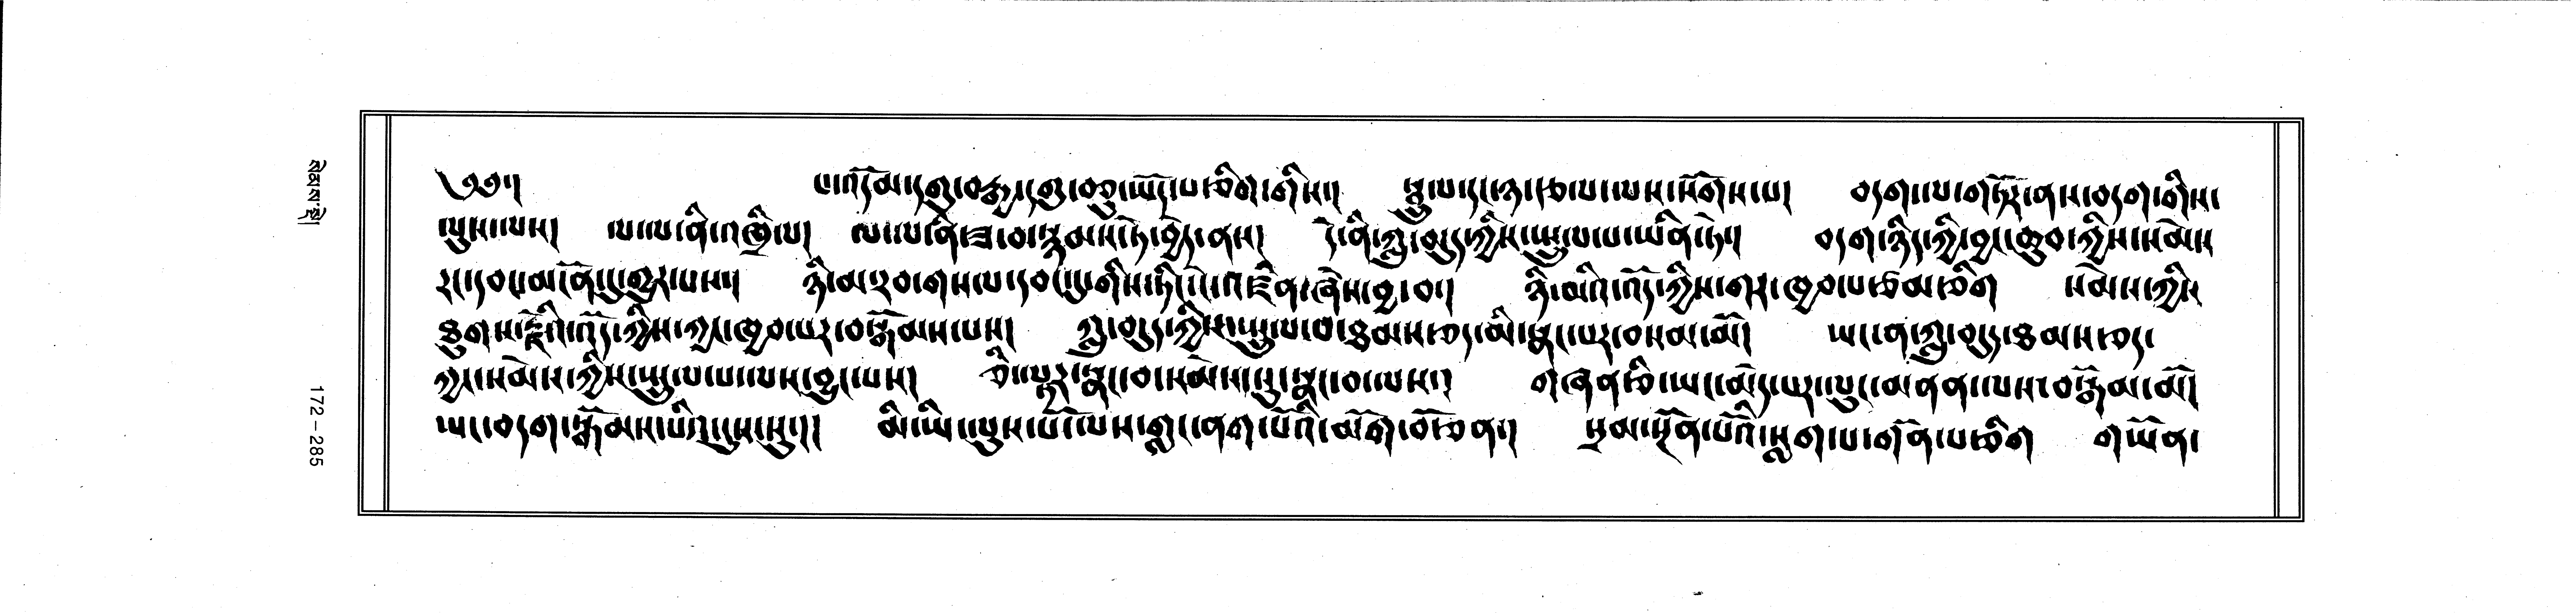འདོམ་དགུ་བརྒྱ་དག་བཅུ་ཡོད་པ་ཅིག་གིས། སྦྲུལ་དང་ཉ་རྩལ་ལས་སོགས་པ། བདག་ལ་གཏོར་ནས་བདག་གིས་
ལུས་ལས། ལ་ལ་ནི་འཁྲིལ། ལ་ལ་ནི་ཟ་བ་སྙམས་ཏེ་བྱེད་ནས། དེ་ནི་ཀླུ་མུད་ཀྱིས་སྤྲུལ་པ་ཡིན་ཏེ། བདག་ཉིད་བྱང་ཆུབ་ཀྱིས་སེམས་
རང་དབང་མངོན་དུ་གྱུར་པས། ཉི་མ་རབ་གསལ་དབང་དུ་གིས་ཏིང་ངེ་འཛིན་ཞེས་བྱ་བ། ཉི་མའི་འོད་ཀྱིས་གར་ཁྱབ་པ་ཙམ་ཅིག སེམས་ཀྱིས་
ཐུགས་རྗེའི་འོད་ཀྱིས་ཀྱང་ཁྱབ་པར་བསྒོམས་པས། ཀླུ་བདུད་ཀྱིས་སྤྲུལ་པ་ཐམས་ཅད་མི་སྣང་པར་བསམ་མོ། ཡང་ན་ཀླུ་བདུད་ཐམས་ཅད་
ཀྱང་སེམས་ཀྱིས་སྤྲུལ་པ་ལས་བྱུང་པས། ཅི་ལྟར་སྣང་བ་སེམས་སུ་སྣང་བ་ལས། གཞན་ཅི་ཡང་མེད་པར་ལུང་མནན་ལས་བསྒོམ་མོ། 
ཡང་བདག་སྒོམས་པའི་དུས་སུ། མི་ཡི་ལུས་པོ་ལས་གླང་ནག་པོའི་མགོ་བོ་ཅན། སྲམ་སྔོན་པོའི་སླག་པ་གོན་པ་ཅིག གཡོན་